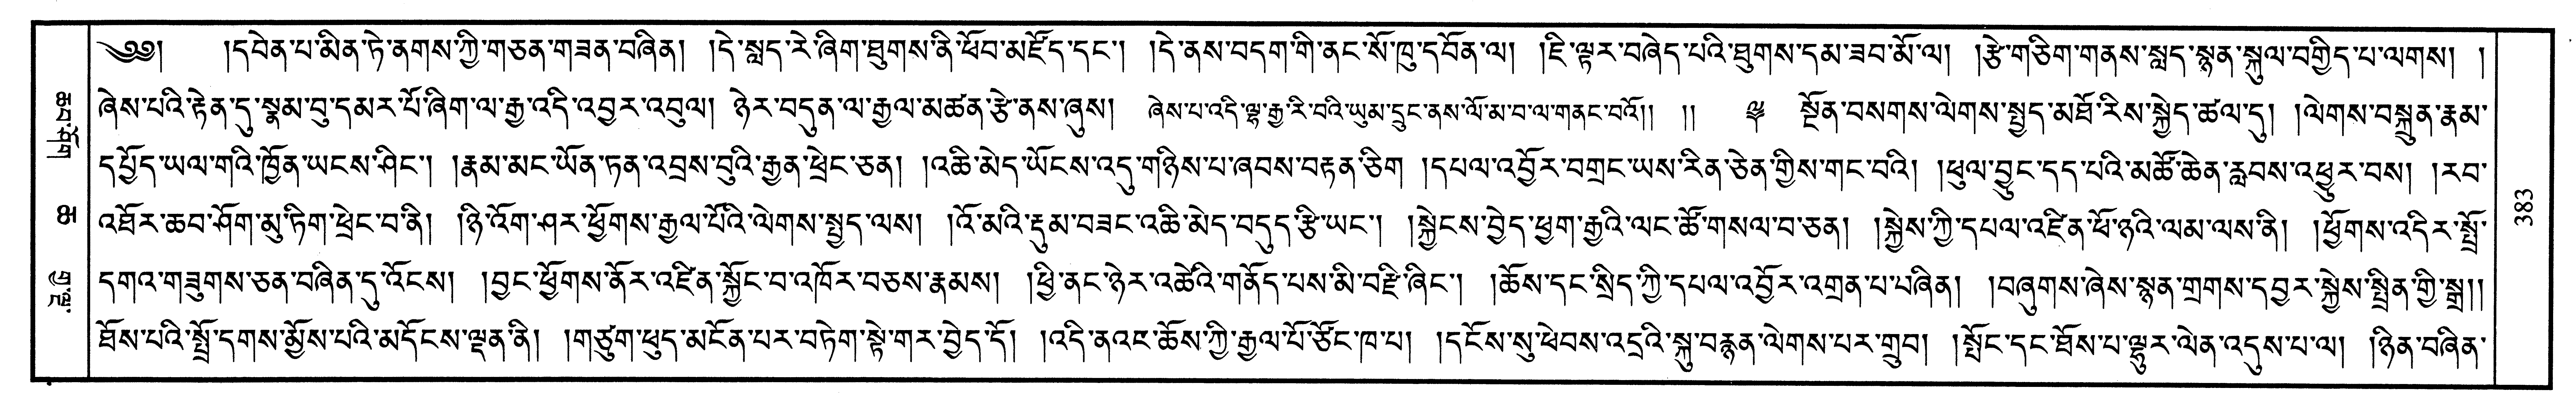༄༅། །དབེན་པ་མིན་ཏེ་ནགས་ཀྱི་གཅན་གཟན་བཞིན། །དེ་སླད་རེ་ཞིག་ཐུགས་ནི་ཕོབ་མཛོད་དང་། །དེ་ནས་བདག་གི་ནང་སོ་ཁུ་དབོན་ལ། །ཇི་ལྟར་བཞེད་པའི་ཐུགས་དམ་ཟབ་མོ་ལ། །རྩེ་གཅིག་གནས་སླད་སྙན་སྐུལ་བགྱིད་པ་ལགས། །
ཞེས་པའི་རྟེན་དུ་སྣམ་བུ་དམར་པོ་ཞིག་ལ་རྒྱ་འདི་འབྱར་འབུལ། ཉེར་བདུན་ལ་རྒྱལ་མཚན་རྩེ་ནས་ཞུས། ཞེས་པ་འདི་ལྷ་རྒྱ་རི་བའི་ཡུམ་དྲུང་ནས་ལོ་མ་བ་ལ་གནང་བའོ།། །། ༈ སྔོན་བསགས་ལེགས་སྤྱད་མཐོ་རིས་སྐྱེད་ཚལ་དུ། །ལེགས་བསྐྲུན་རྣམ་
དཔྱོད་ཡལ་གའི་ཁྱོན་ཡངས་ཤིང་། །རྣམ་མང་ཡོན་ཏན་འབྲས་བུའི་རྒྱན་ཕྲེང་ཅན། །འཆི་མེད་ཡོངས་འདུ་གཉིས་པ་ཞབས་བརྟན་ཅིག །དཔལ་འབྱོར་བགྲང་ཡས་རིན་ཅེན་གྱིས་གང་བའི། །ཕུལ་བྱུང་དད་པའི་མཚོ་ཆེན་རླབས་འཕུར་བས། །རབ་
འཐོར་ཆབ་ཤོར་མུ་ཏིག་ཕྲེང་བ་ནི། །ཉི་འོག་ཤར་ཕྱོགས་རྒྱལ་པོའི་ལེགས་སྤྱད་ལས། །འོ་མའི་རྡུམ་བཟང་འཆི་མེད་བདུད་རྩི་ཡང་། །སྐྱེངས་བྱེད་ཕྱག་རྒྱའི་ལང་ཚོ་གསལ་བ་ཅན། །སྐྱེས་ཀྱི་དཔལ་འཛིན་ཕོ་ཉའི་ལམ་ལས་ནི། །ཕྱོགས་འདིར་སྤྲོ་
དགའ་གཟུགས་ཅན་བཞིན་དུ་འོངས། །བྱང་ཕྱོགས་ནོར་འཛིན་སྐྱོང་བ་འཁོར་བཅས་རྣམས། །ཕྱི་ནང་ཉེར་འཚེའི་གནོད་པས་མི་བརྫི་ཞིང་། །ཆོས་དང་སྲིད་ཀྱི་དཔལ་འབྱོར་འགྲན་པ་བཞིན། །བཞུགས་ཞེས་སྙན་གྲགས་དབྱར་སྐྱེས་སྤྲིན་གྱི་སྒྲ།།
ཐོས་པའི་སྤྲོ་དགས་མྱོས་པའི་མདོངས་ལྡན་ནི། །གཙུག་ཕུད་མངོན་པར་བཏེག་སྟེ་གར་བྱེད་དོ། །འདི་ནའང་ཆོས་ཀྱི་རྒྱལ་པོ་ཙོང་ཁ་པ། །དངོས་སུ་ཕེབས་འདྲའི་སྐུ་བརྙན་ལེགས་པར་གྲུབ། །སྤོང་དང་ཐོས་པ་ལྷུར་ལེན་འདུས་པ་ལ། །ཉིན་བཞིན་